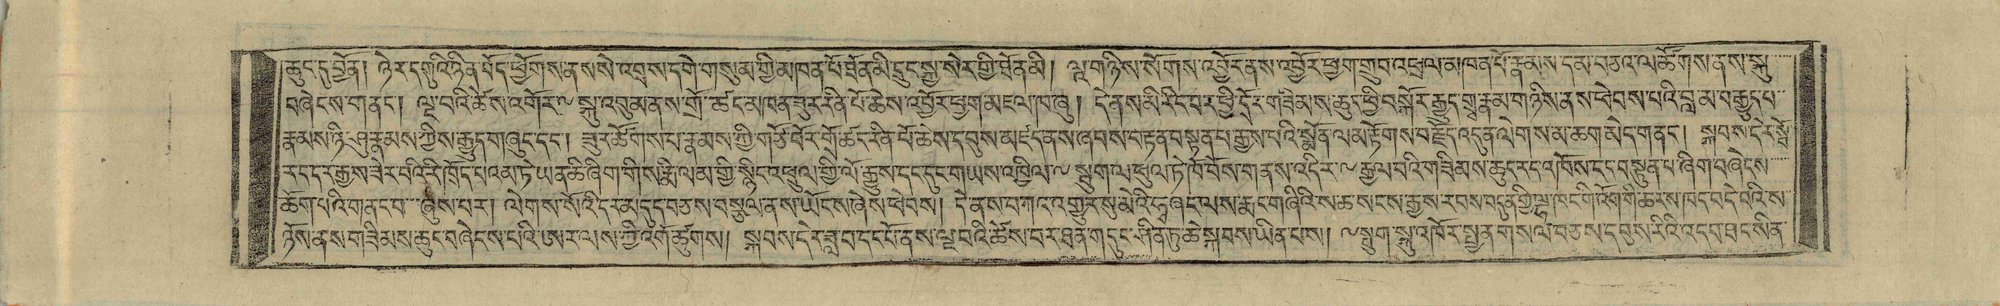ཆུང་དུ་བྱོན། ཉེར་དགུའི་ཉིན་བོད་ཕྱོགས་ནས་སེ་འབྲས་དགེ་གསུམ་གྱི་མཁན་པོ་ཐོན་མི་དྲུང་སྐྱ་སེར་གྱི་ཐོན་མི། ལཱ་གཉིས་སོགས་འབྱོར་ནས་འབྱོར་ཕྱག་གྲུབ་འཕྲལ་མཁན་པོ་རྣམས་དམ་བཅའ་ལ་ཚོགས་ནས་སྐུ་
བཞེངས་གནང་། ལྔ་བའི་ཚེས་འགོར་༧སྐུ་འབུམ་ནས་གྲོ་ཚང་མཁན་ཟུར་རིན་པོ་ཆེས་འབྱོར་ཕྱག་མཇལ་ཁ་ཞུ། དེ་ནས་མི་རིང་བར་ཕྱི་དྲོར་གཟིམས་ཆུང་ཕྱི་བསྐོར་རྒྱུད་གྲྭ་རྣམ་གཉིས་ནས་ཕེབས་པའི་བླ་མ་བརྒྱུད་པ་
རྣམས་ཉི་ཤུ་རྣམས་ཀྱིས་རྒྱུད་གཞུང་དང་། ཟུར་ཚོགས་པ་རྣམས་ཀྱི་གཙོ་བོར་གྲོ་ཚང་རིན་པོ་ཆེས་དབུས་མཛད་ནས་ཞབས་བརྟན་བསྟན་པ་རྒྱས་པའི་སྨོན་ལམ་རྟོགས་བརྗོད་འདུན་ལེགས་མ་ཆག་མེད་གནང་། སྐབས་དེར་སྤོ་
རང་དར་རྒྱས་ཟེར་བའི་རི་ཁྲོད་པའམ་ཏེ་ཡན་ཆི་ཞིག་གིས་རྨི་ལམ་གྱི་སྙིང་འཕྲུལ་གྱི་ལོ་རྒྱུས་དང་དུང་གཡས་འཁྱིལ་༧སྤུག་ལ་ཕུལ་ཏེ་ཁོ་བོས་གནས་འདིར་༧རྒྱལ་བའི་གཟིམས་ཆུང་རང་འཁོས་དང་བསྟུན་པ་ཞིག་བཞེངས་
ཆོག་པའི་གནང་བ་ཞུས་པར། ལེགས་སོའི་དར་མདུད་བཅས་བསྩལ་ནས་ཡོངས་ཞེས་ཕེབས། དེ་ནས་བཀའ་འགྱུར་སུ་མེའི་ཧྭ་ཞང་ལས་རྨང་གཞིའི་ས་ཆ་སངས་རྒྱས་རབས་བདུན་གྱི་ལྷ་ཁང་གི་འོག་གི་ཆ་རས་ཁད་བདེ་བའི་ས་
ཉོས་ནས་གཟིམས་ཆུང་བཞེངས་པའི་ཨར་ལས་ཀྱི་འགོ་ཚུགས། སྐབས་དེར་ཟླ་བ་དང་པོ་ནས་ལྔ་པའི་ཚེས་བར་ཐན་གདུང་ཤིན་ཏུ་ཆེ་སྐབས་ཡིན་པས། ༧སྤུག་སྐུ་འཁོར་སྤྱན་གསལ་བཅས་དབུས་རིའི་འདབ་ཐང་སིན་